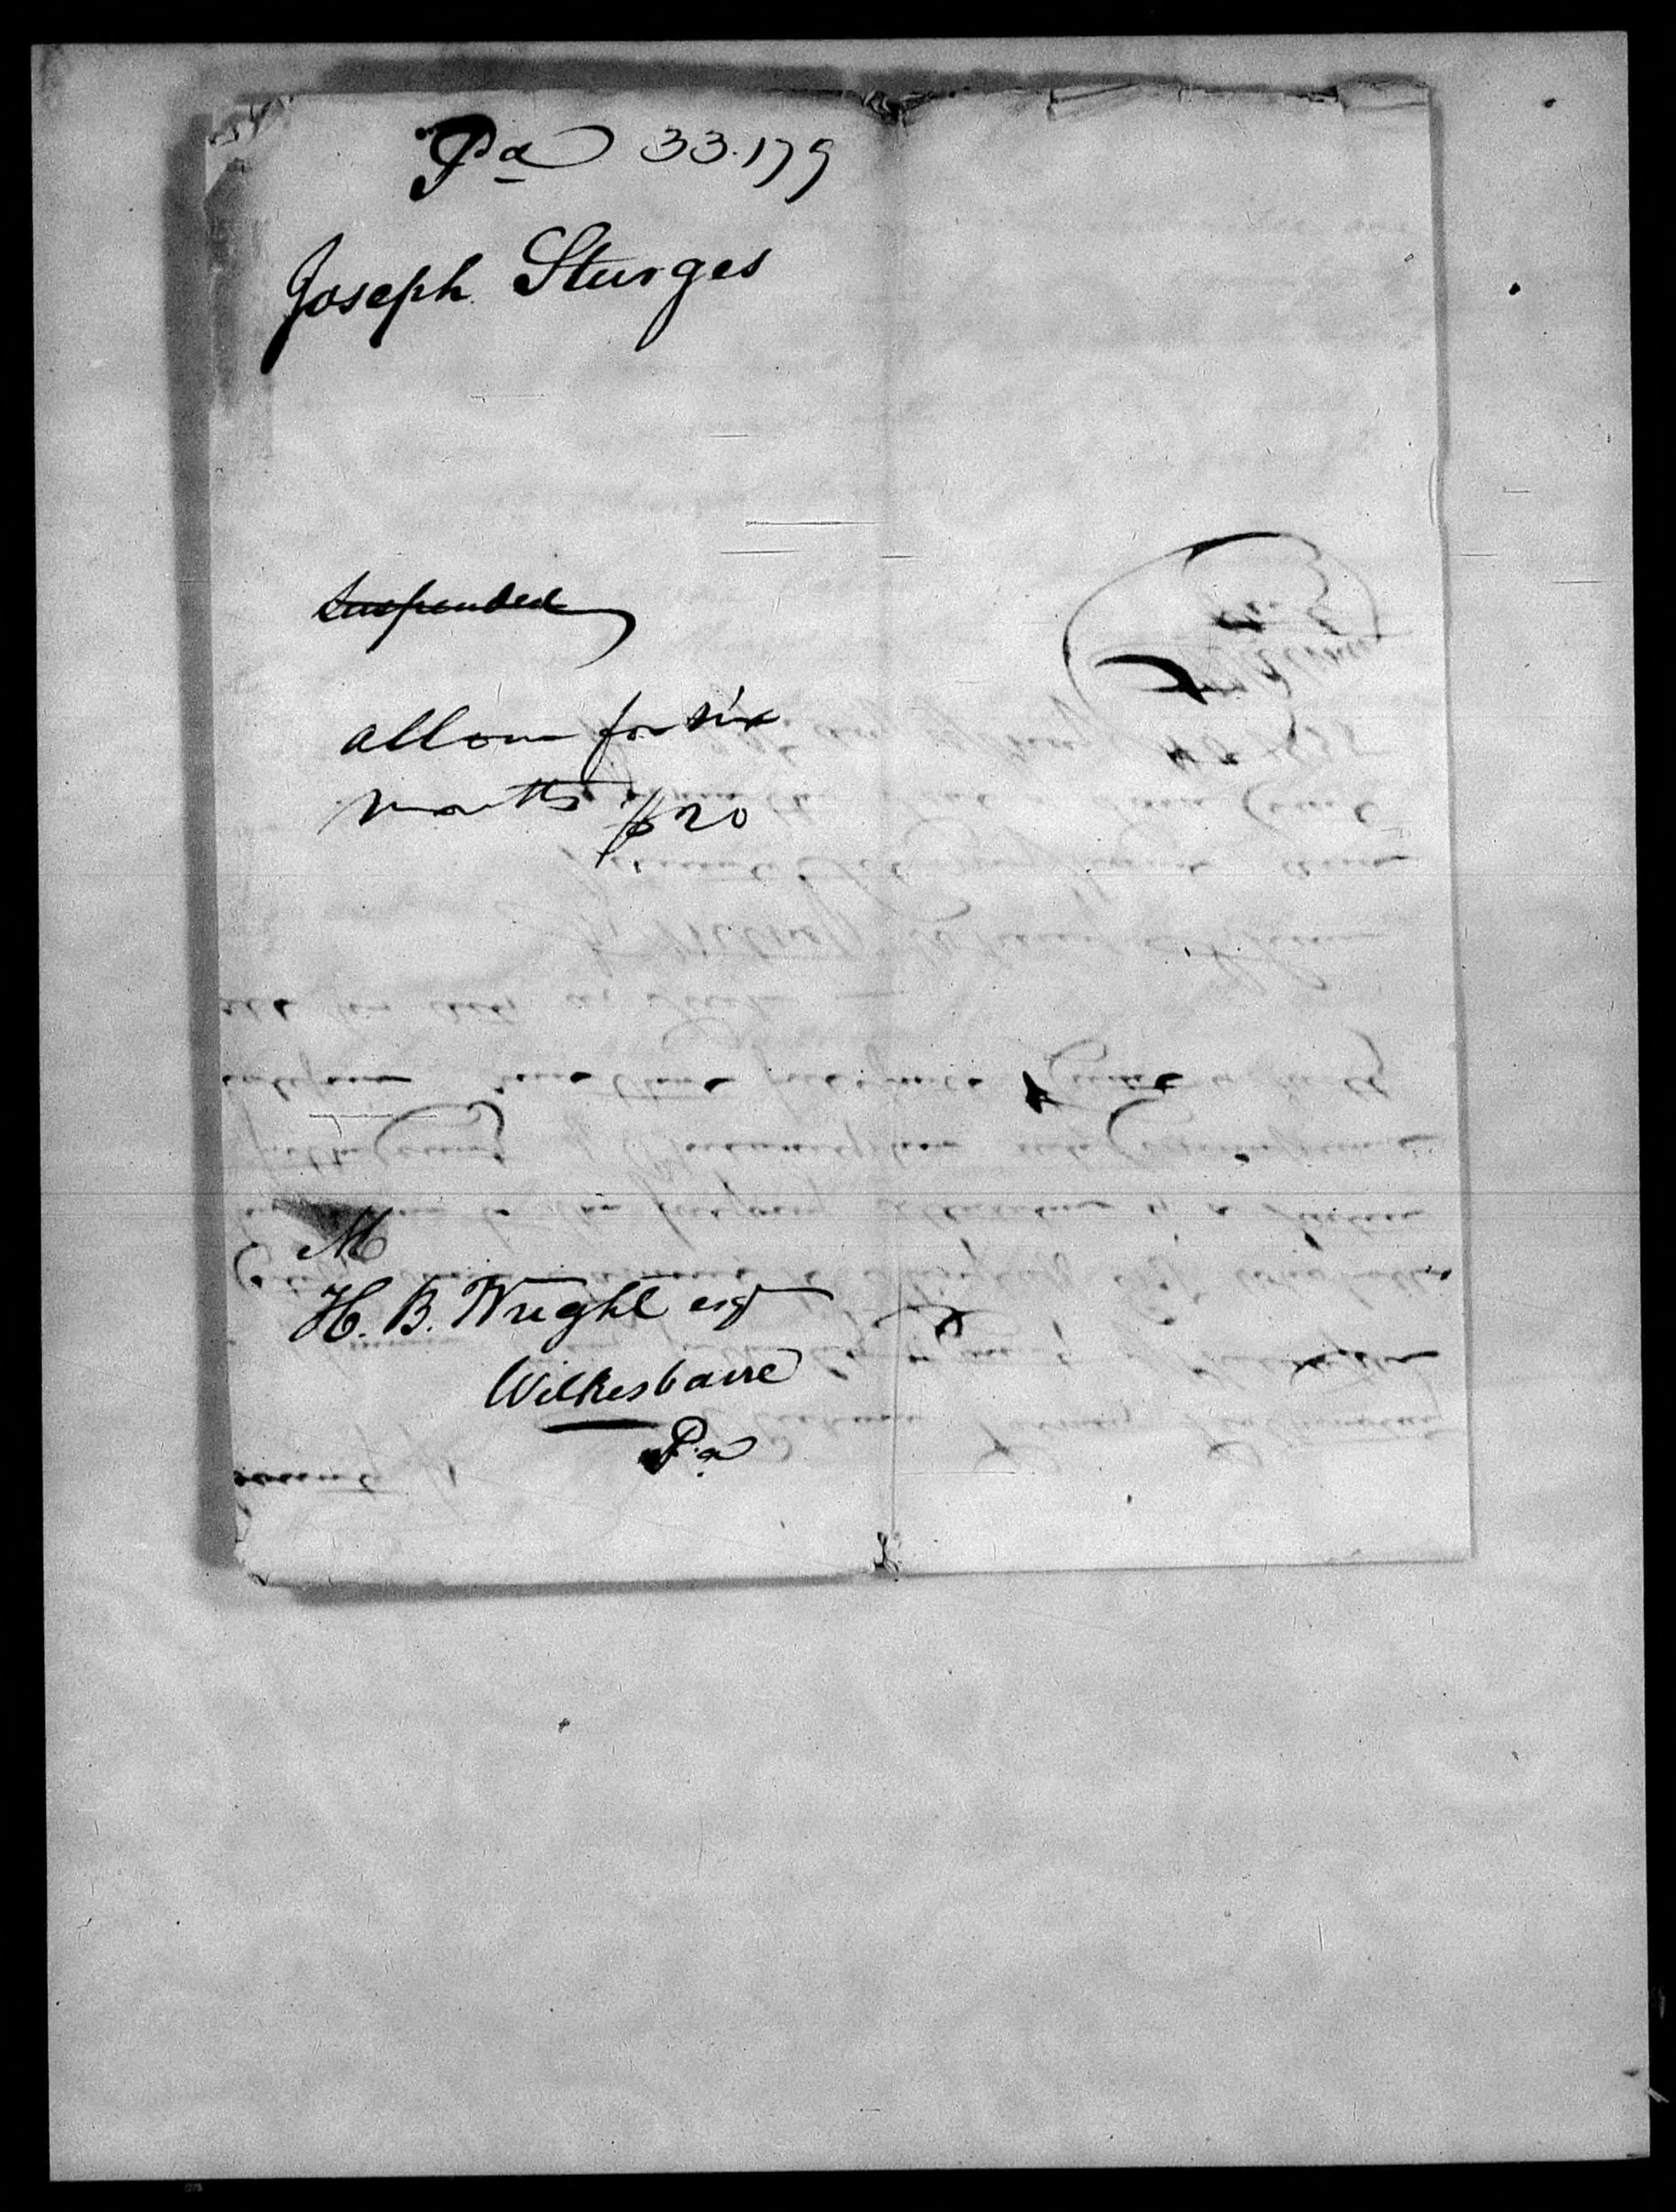Pa.  33.179
Joseph Sturges
allow for 6 months  $20
M.
H. B. Wright Esqr
Wilkesbarre Pa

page: 17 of 31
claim: survivor's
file: S. 6154, for Joseph Sturgis, Pennsylvania